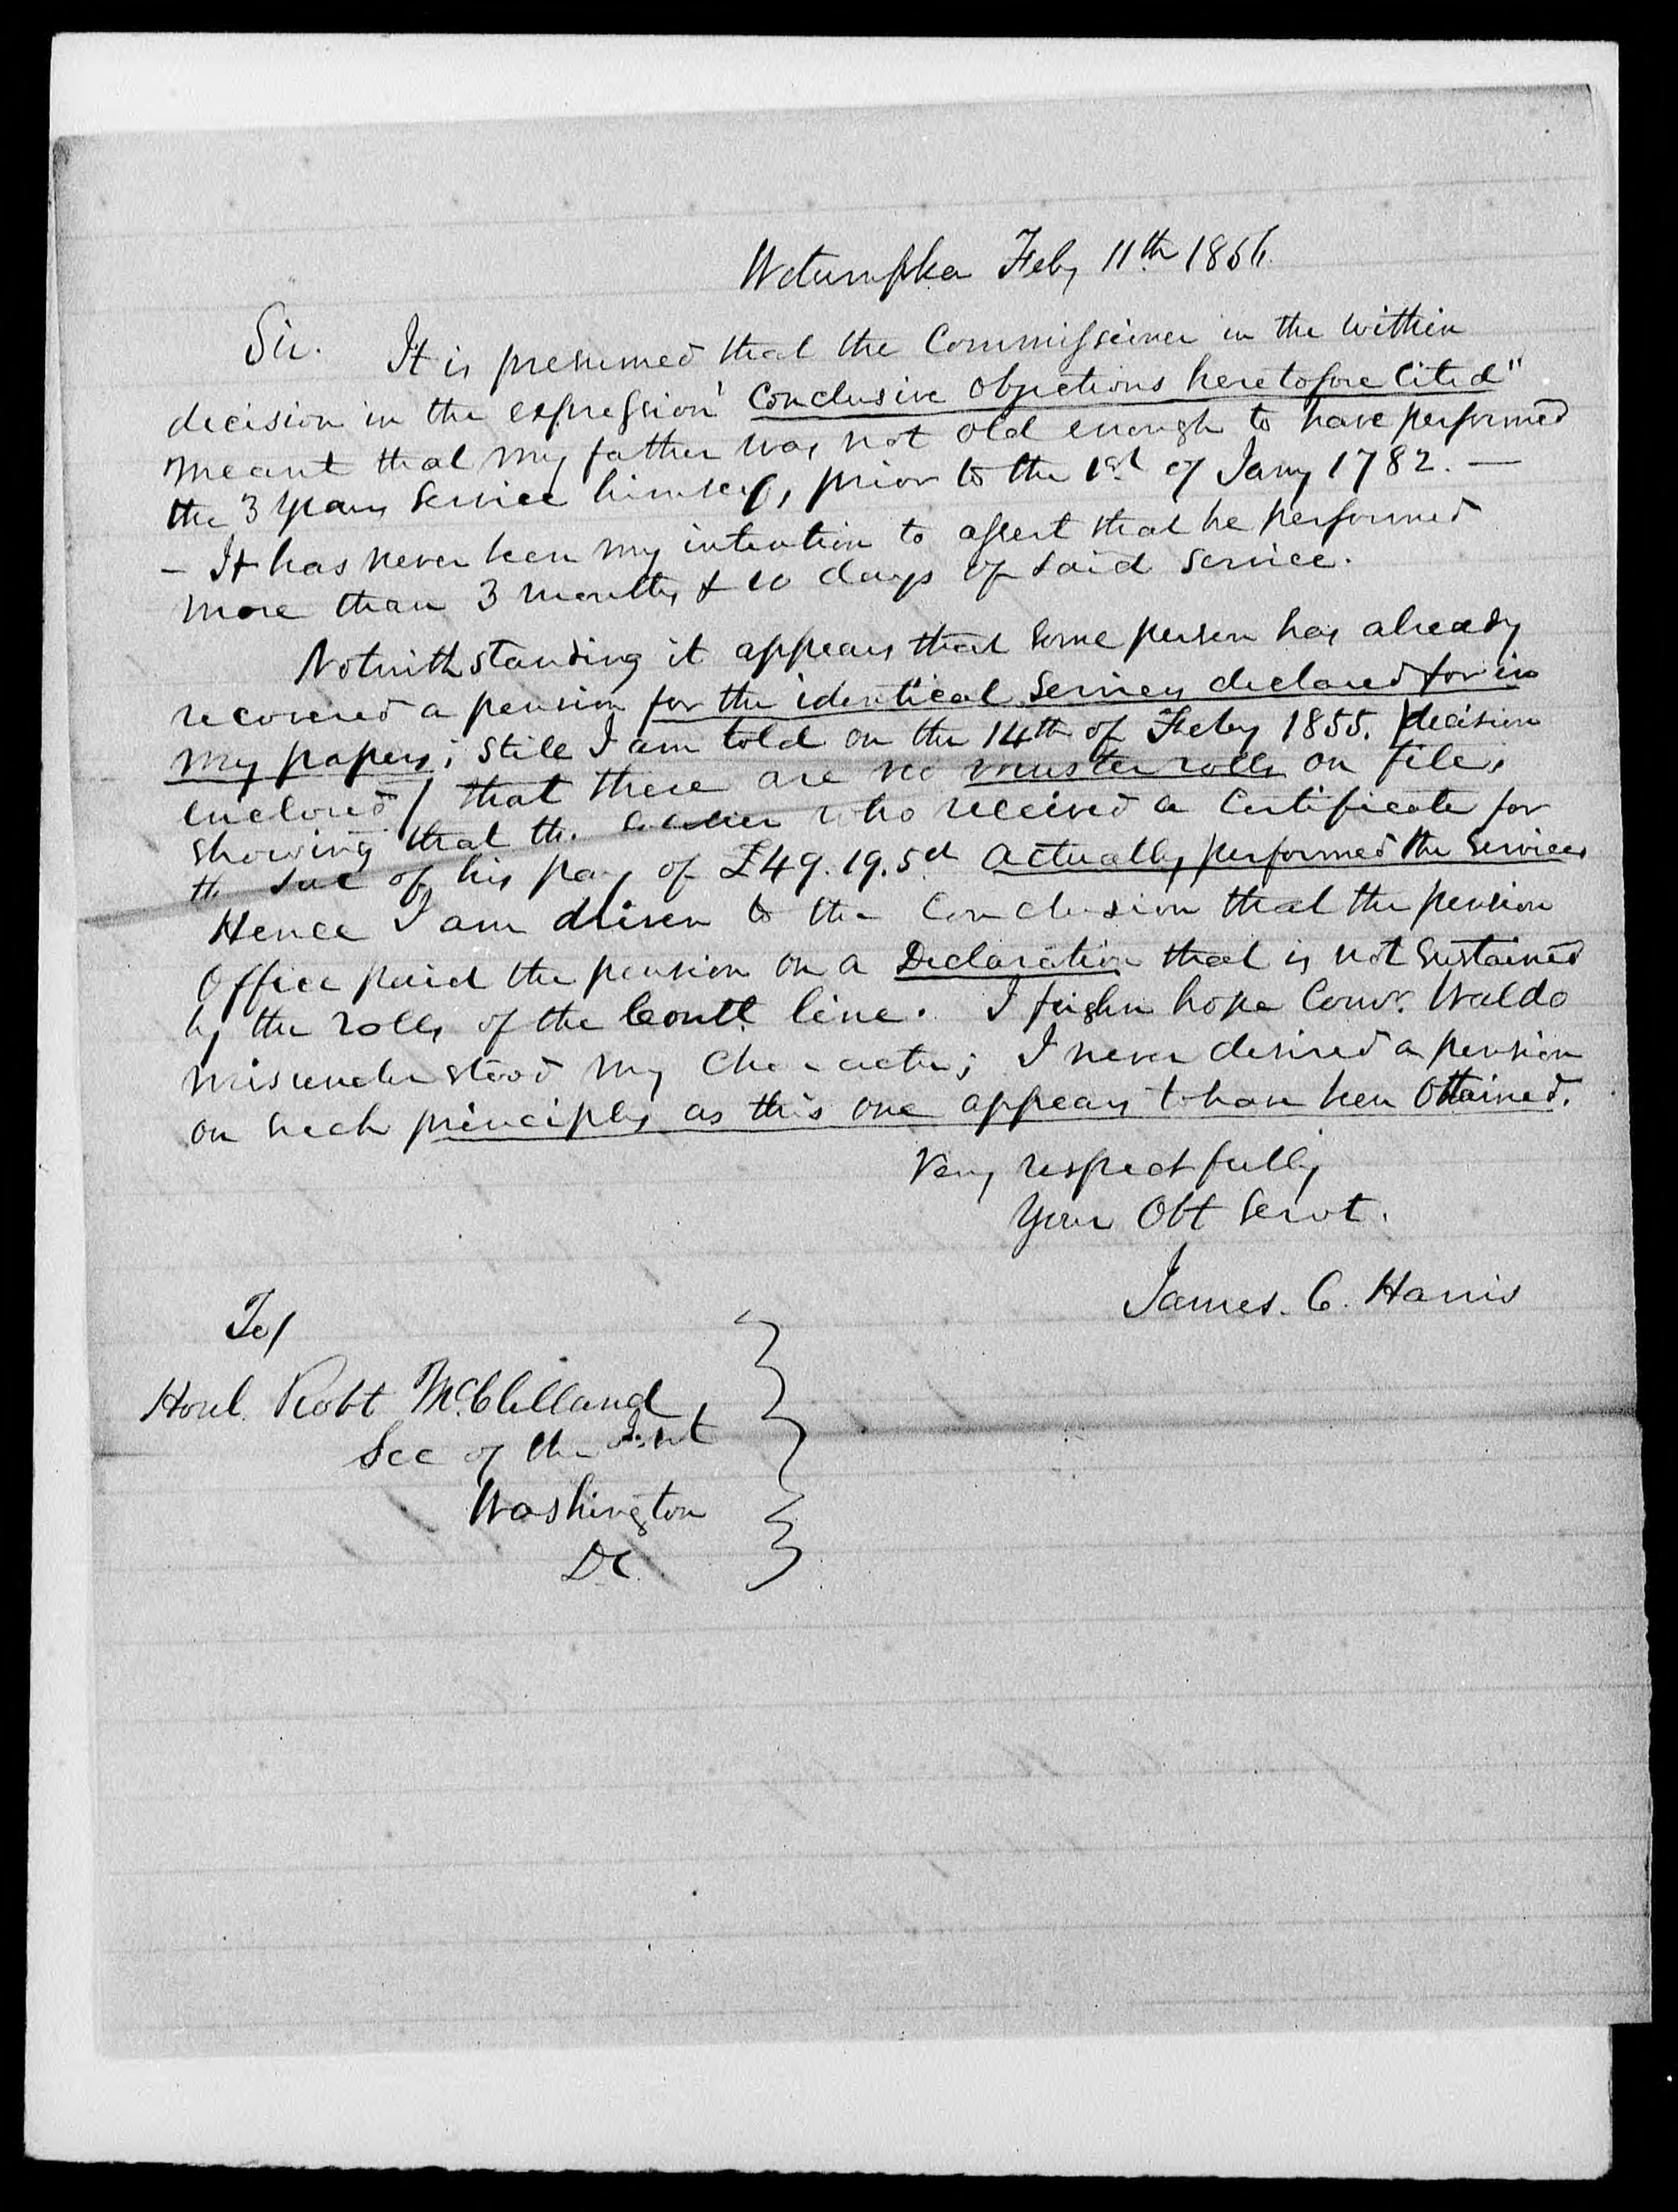Wetumpka Feby 11th 1856

Sir,
It is presumed that the Commission in the written decision in the expression "conclusive objection heretofore cited" meant that my father was not old enough to have performed the 3 years service himself, prior to the 1st of Jany 1782.--It has never been my intention to assert that he performed more than 3 months & 10 days of said service.
Notwithstanding it appears that some person has already received a pension for the identical services declared for in my papers; still I am told on the 14th of Feby 1855, (decision enclosed) that there are no muster rolls on file, showing that the soldier who received a certificate for the due of his pay of [pound sterling]49.19.5d actually performed the services. Hence I am driven to the conclusion that the Pension Office paid the pension on a Declaration that is not sustained by the rolls of the Contl line.  I feighn [sic] hope Comr. Waldo misunderstood my character; I never desired a pension on such principles as this one appears to have been obtained.
Very respectfully
Your Obt Servt.
James C. Harris

TO,
Honl. Robt McClelland
Sec of the Int
Washington 
D.C.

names: James C Harris, Robt Mc Clelland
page: 60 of 160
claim: rejected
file: R. 4666, James Harris, Va.